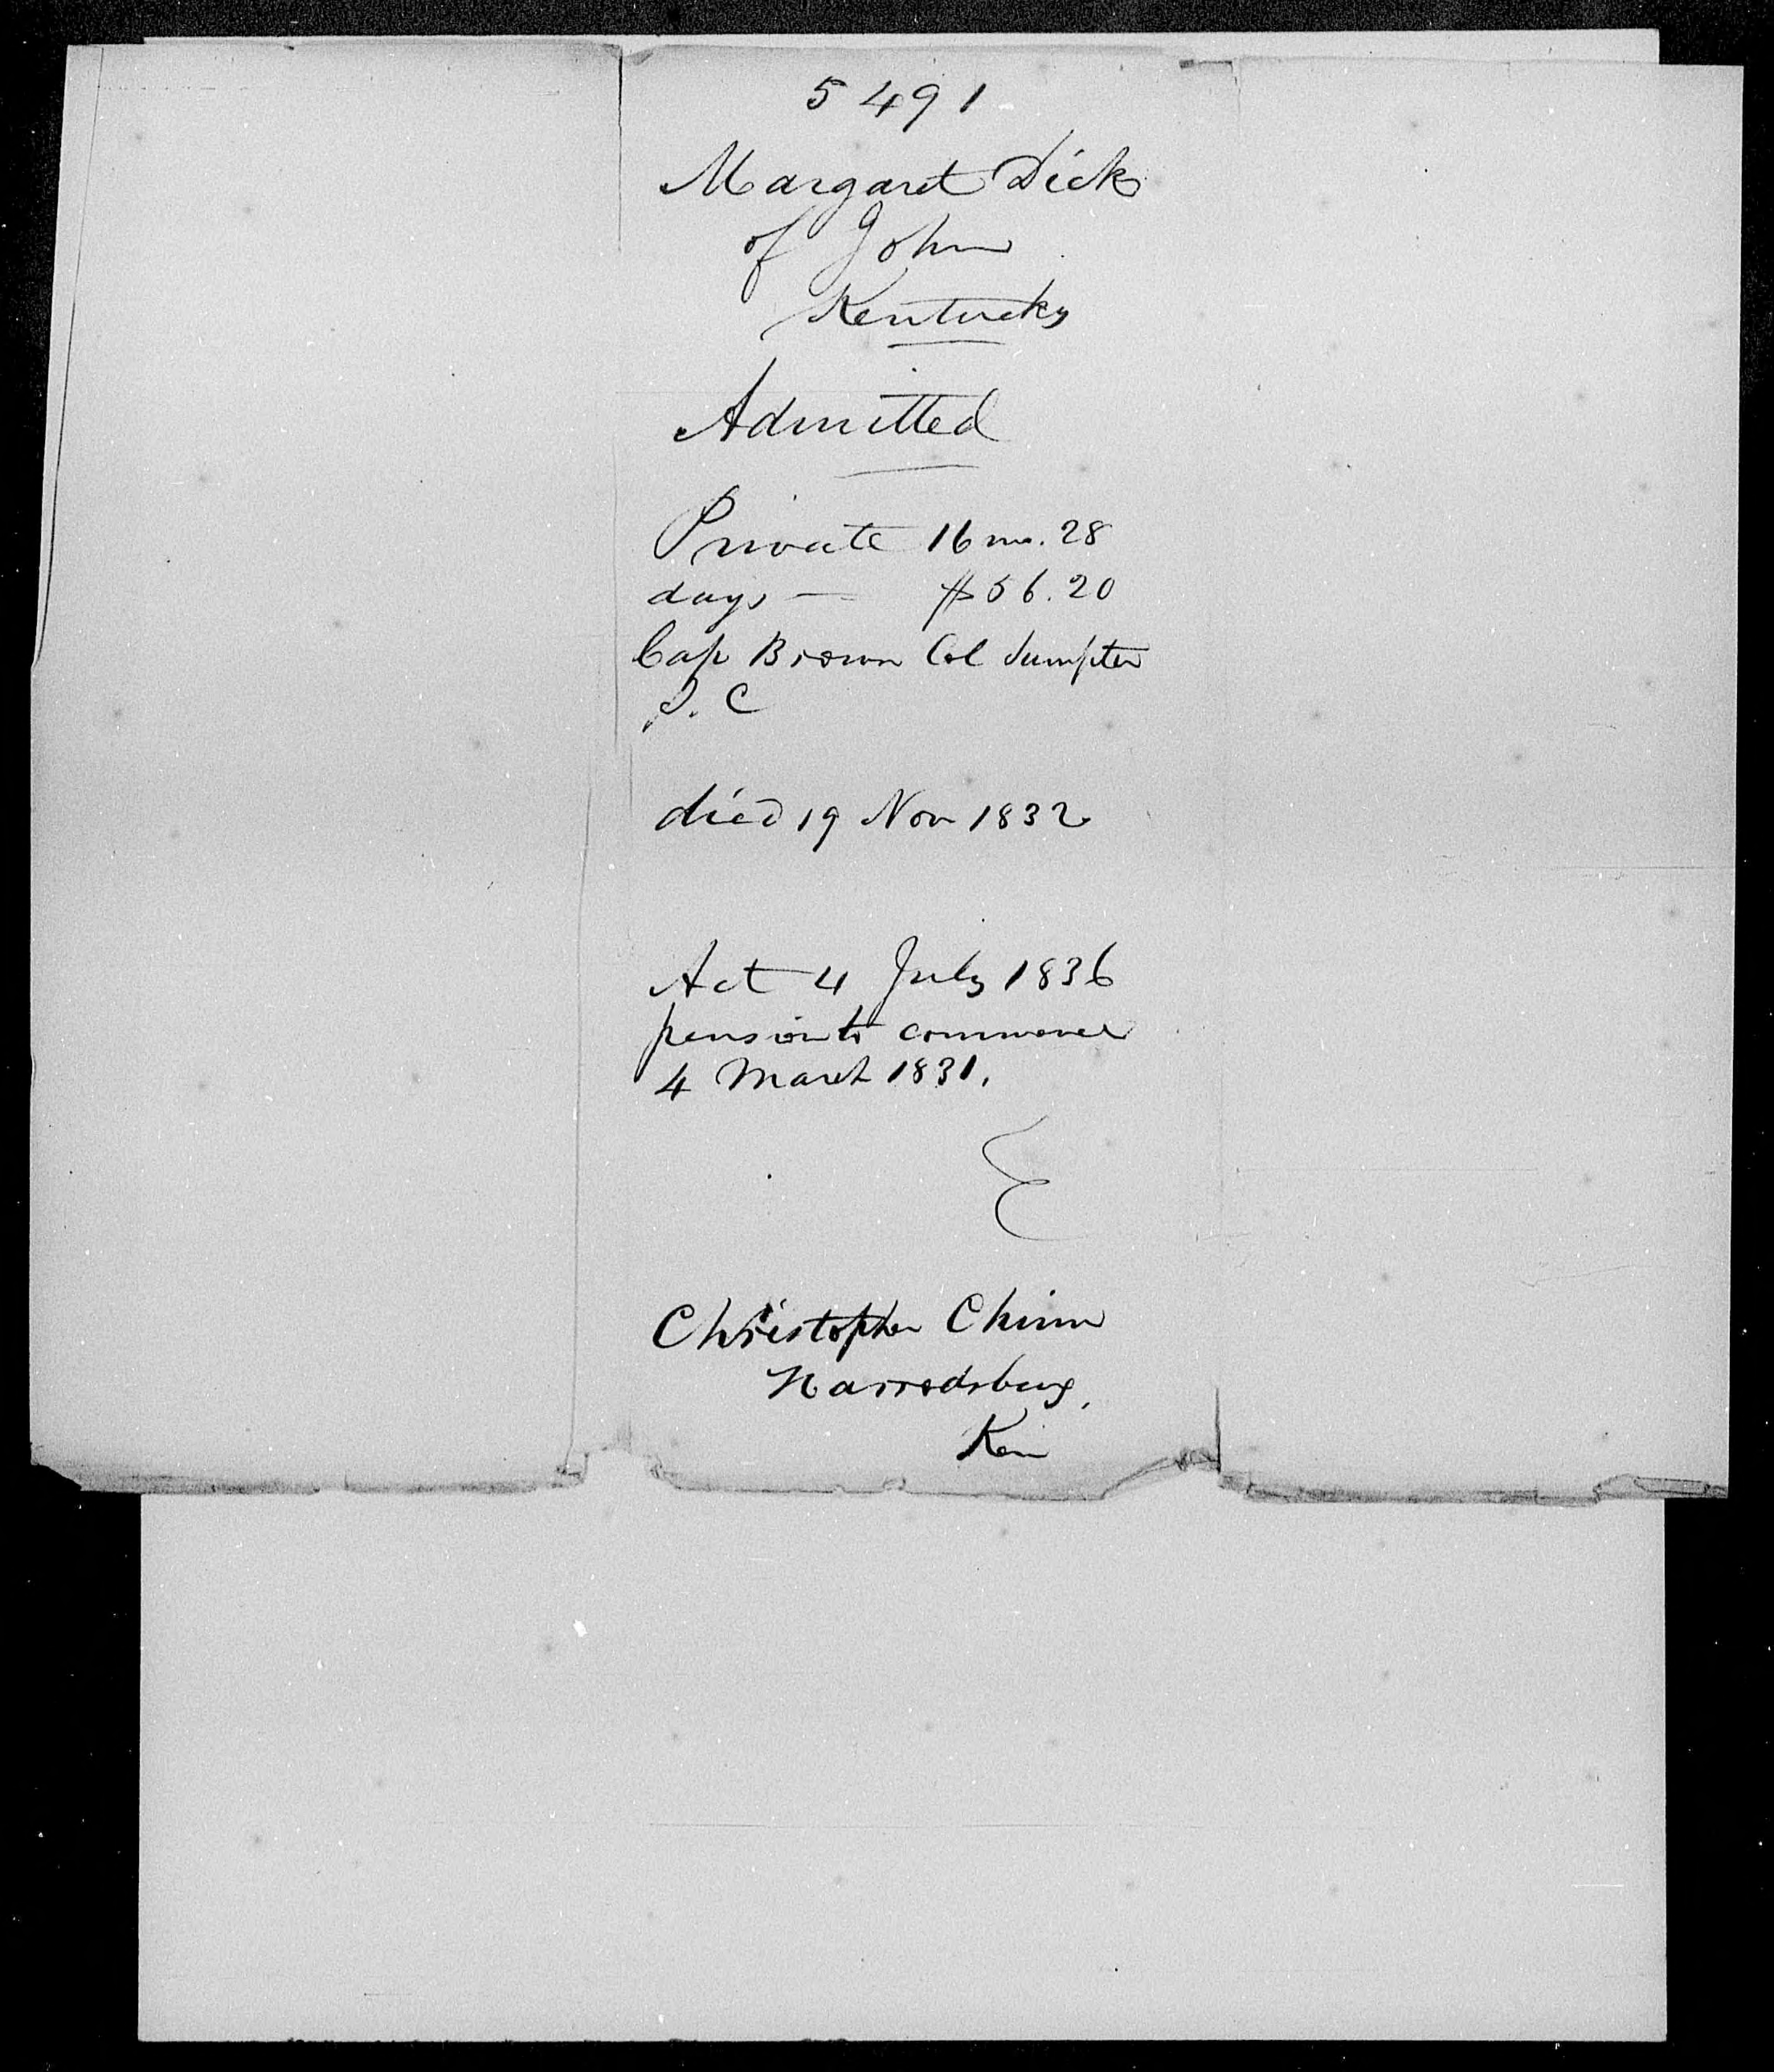5491 
Margaret Dick of John Kentucky 
Admitted 
Private 16 mo. 28 days- $56.20 
Cap Brown Col Sumpter J. C 
died 19 Nov 1832 Act 4 July 1836 pension to commoner 4 March 1831 Christopher Chism [illegilbe]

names: John Dick, Brown, Christopher Chinn, Margaret Dick, Sumpter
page: 18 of 31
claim: widow's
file: W. 8668, John Dick, S C